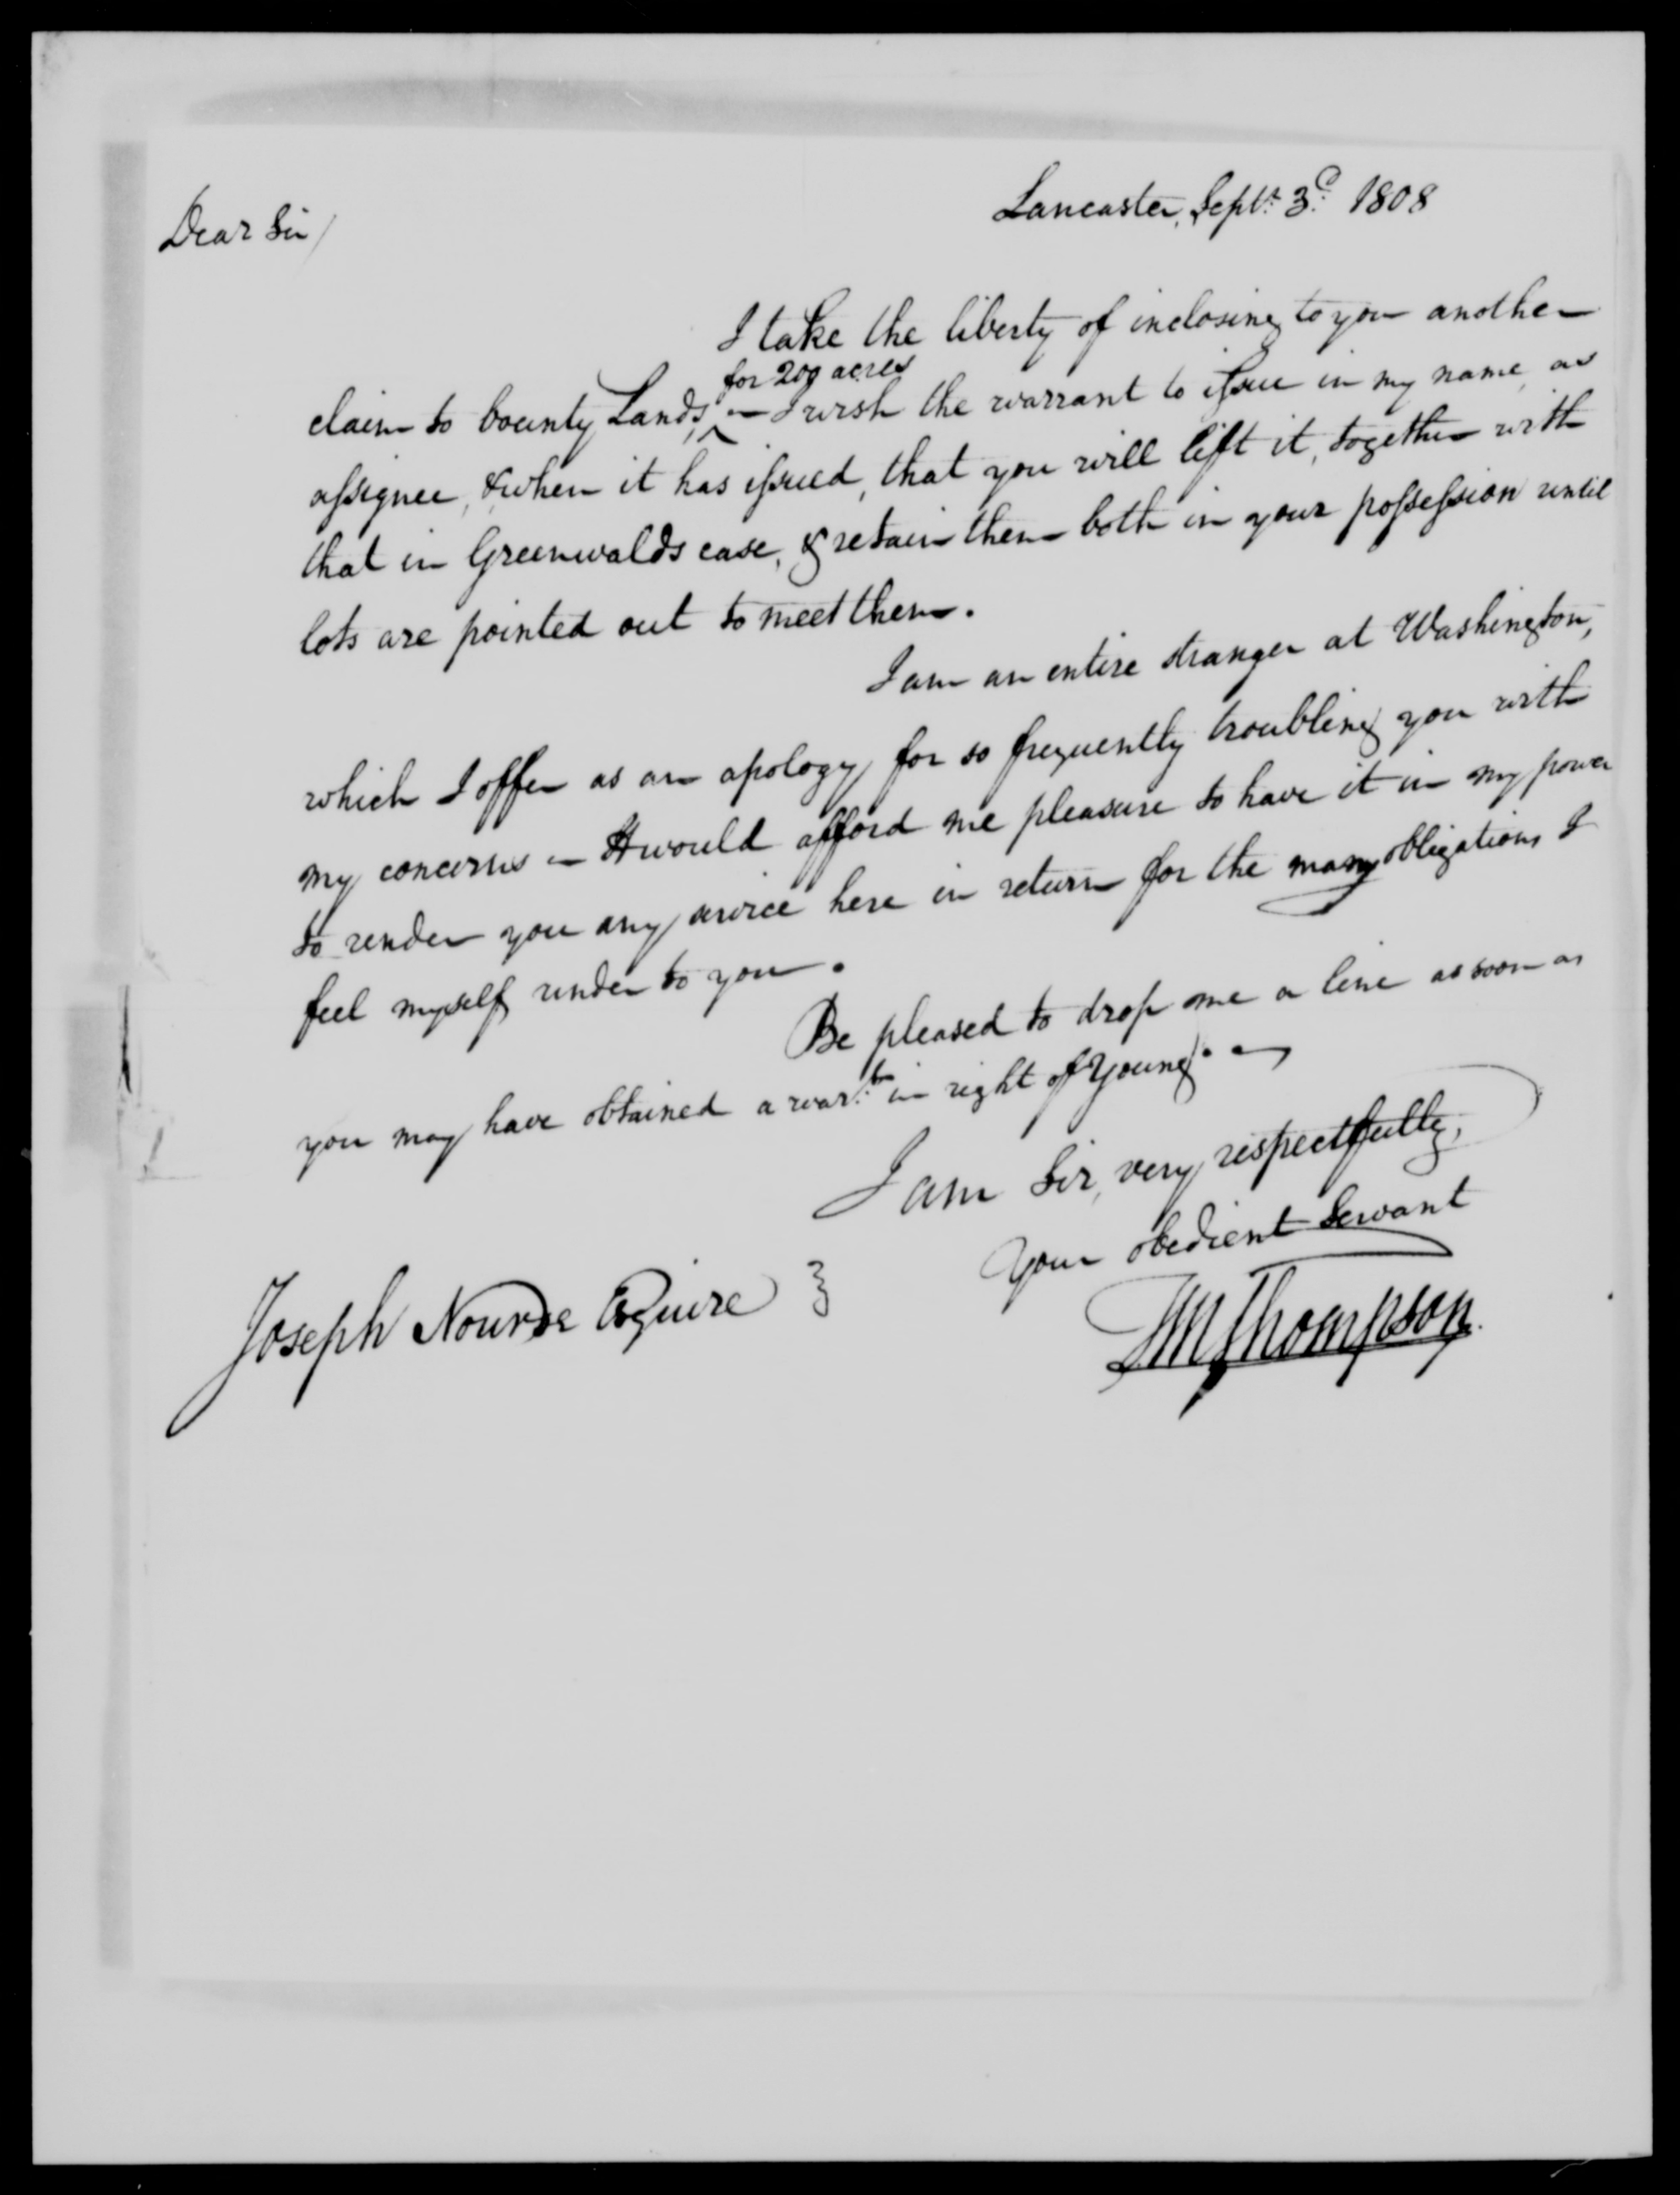Lancaster Sept 3 1808   
Dear Sir
I take the liberty of inclosing to you another claim to Bounty Lands for 200 acres – I wish the warrant to issue in my name as assignee, & when it has issued, that you will lift it, together with that in Greenwalds case, & retain them both in your possession until lots are pointed out to meet them. 
I am an entire stranger at Washington which I offer as an apology for to presently troubling you with my concerns.  It would afford me pleasure to have it in my power render you any advice here in return for the many obligations I feel myself under to you.    
Be pleased to drop me a line as soon as you may have obtained a word in right of Young.
 I am Sir, very respectfully, Your obedient Servant 
T. M. Thompson
Joseph Nourse Esquire}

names: Joseph Nourse, T M Thompson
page: 13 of 13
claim: bounty land warrant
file: B. L. Wt. 428-200, Marcus Young, Penn.